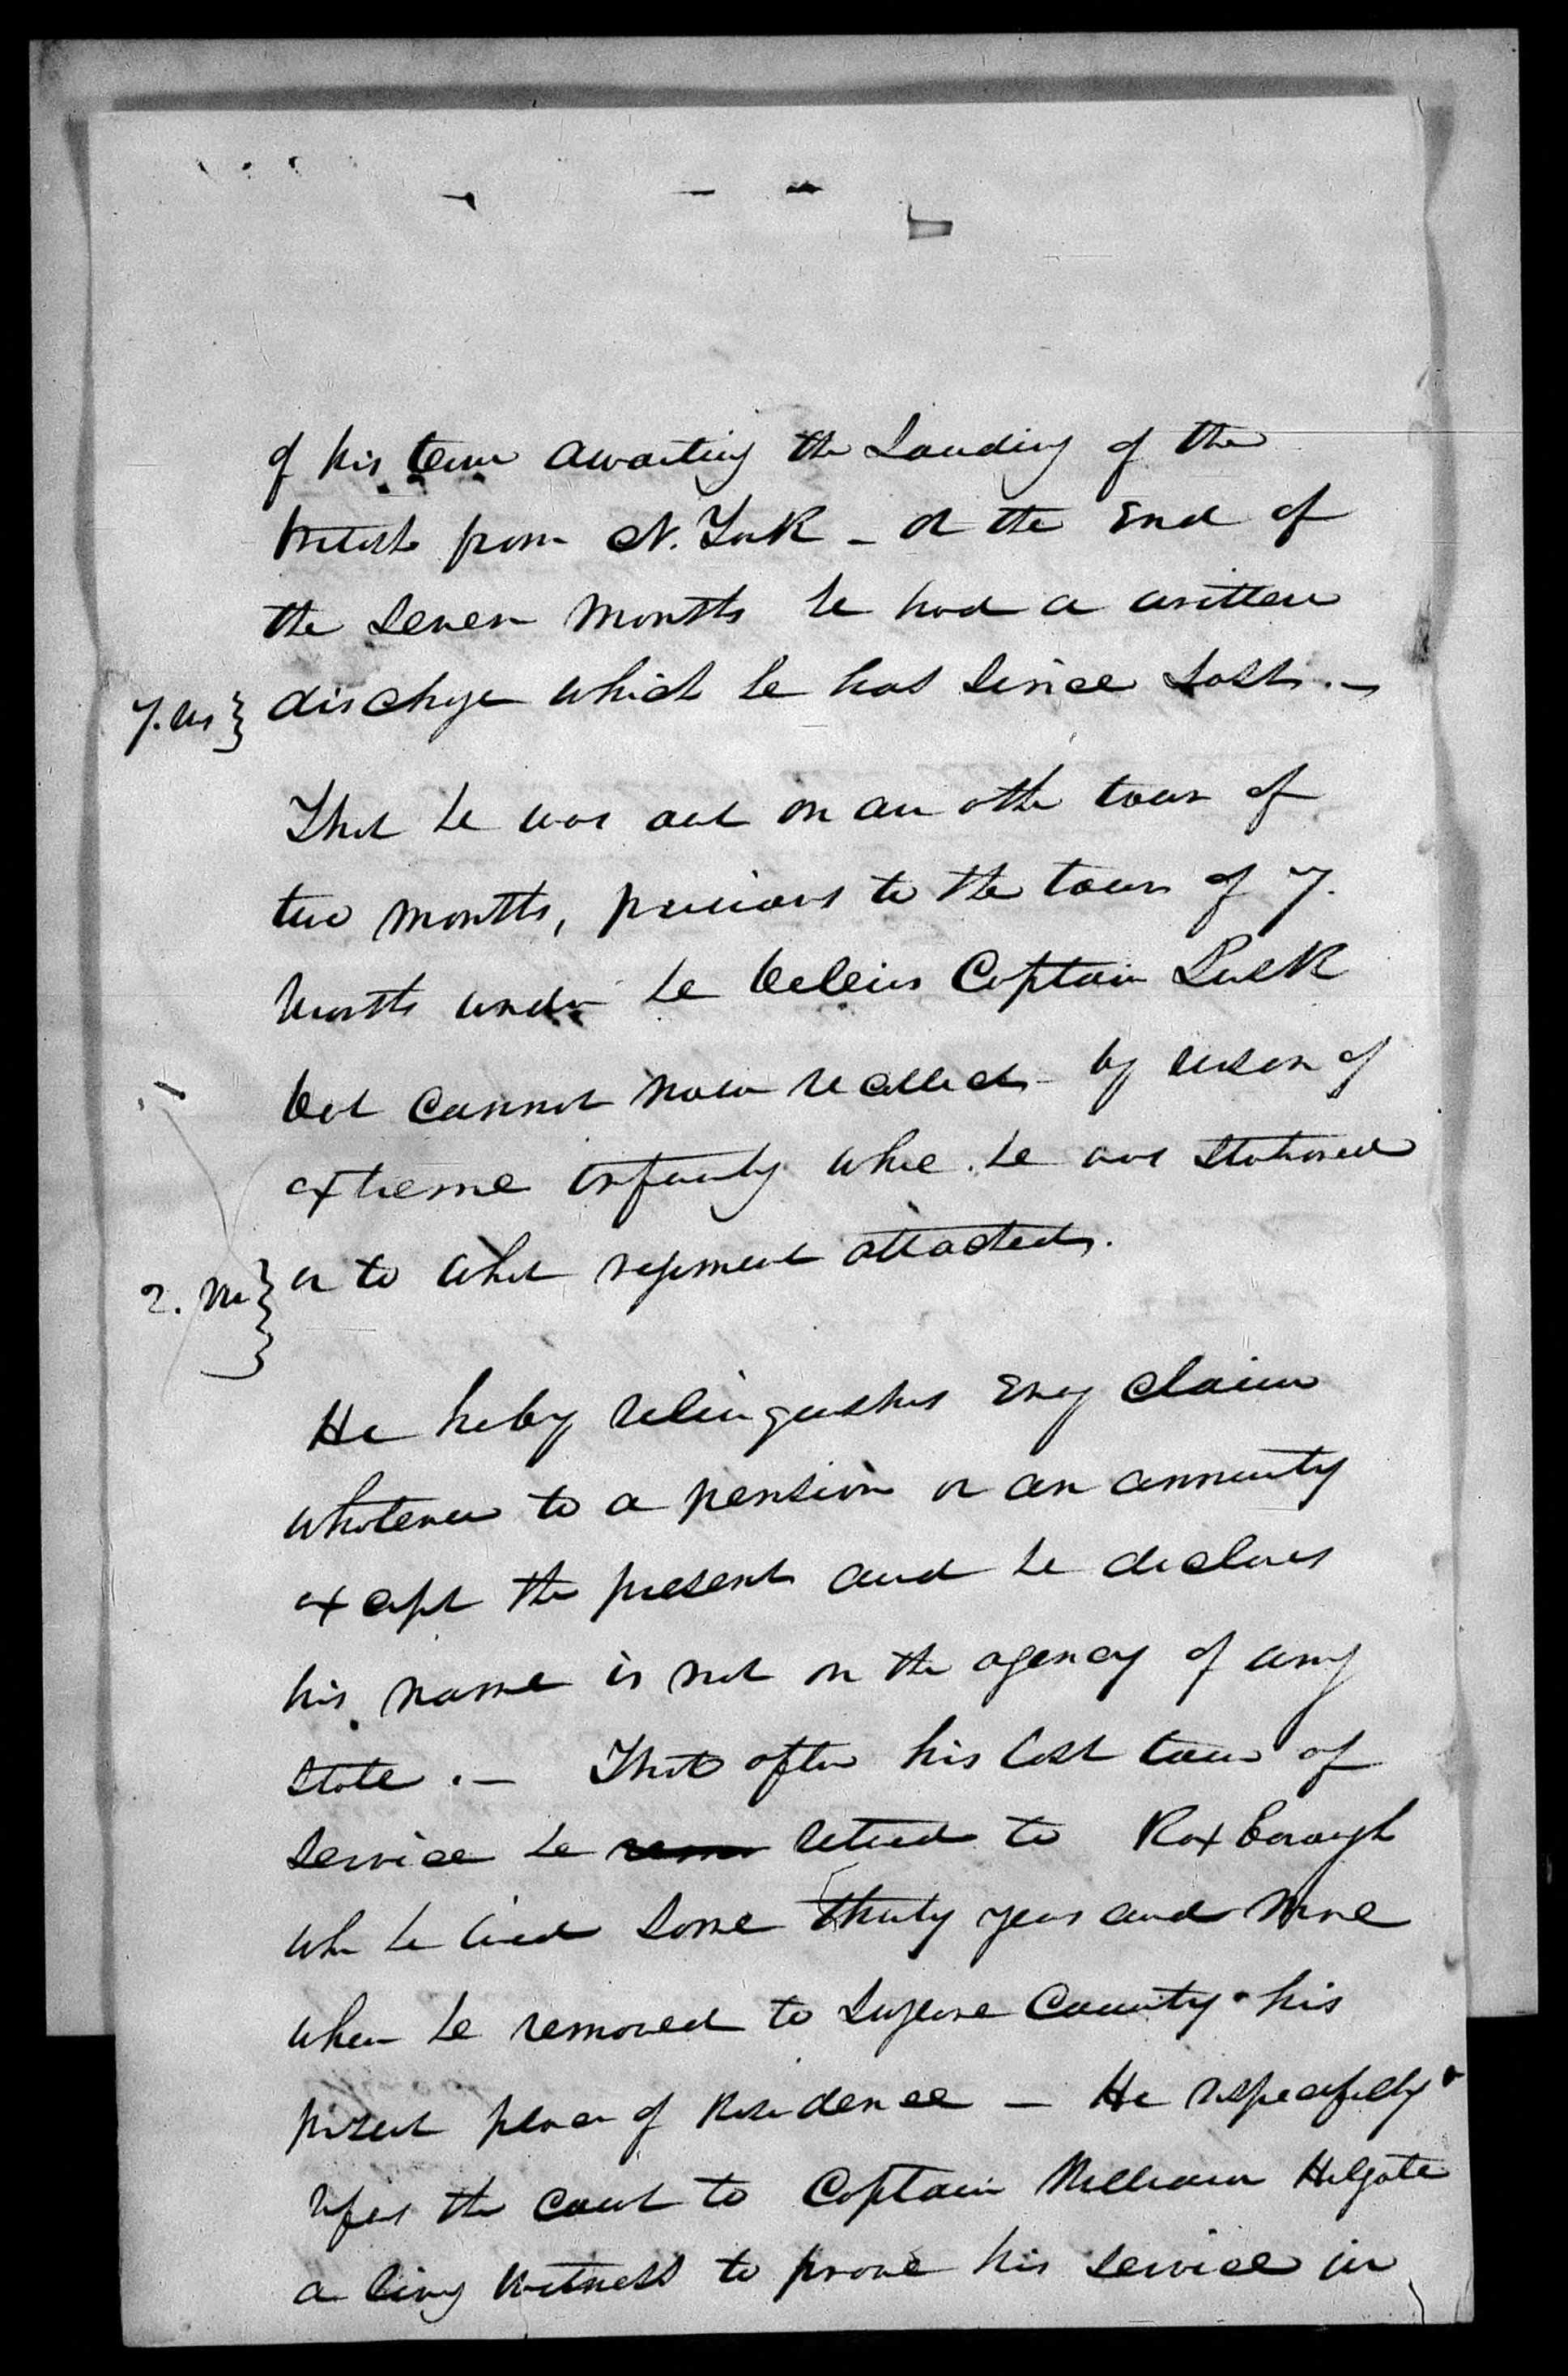of his term awaiting the landing of the British from N. York - the end of the seven months he had a written discharge which he has since lost – 
That he was out on another tour of two months, previous to the tour of 7 months under he believes Captain Luck but cannot now recollect by reason of extreme infirmity where he was stationed & to what regiment attached 
2 mo}  
He herby relinquishes every claim whatever to a pension or an annuity except the present and he declares his name is not on the agency of any State - That after his last tour of service he returned to Roxborough he lived some thirty years and nine when he removed to Luzerne County his present place of Residence. He respectfully refers the court to Captain William Holgate a living witness to prove his service in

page: 7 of 31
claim: survivor's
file: S. 6154, for Joseph Sturgis, Pennsylvania